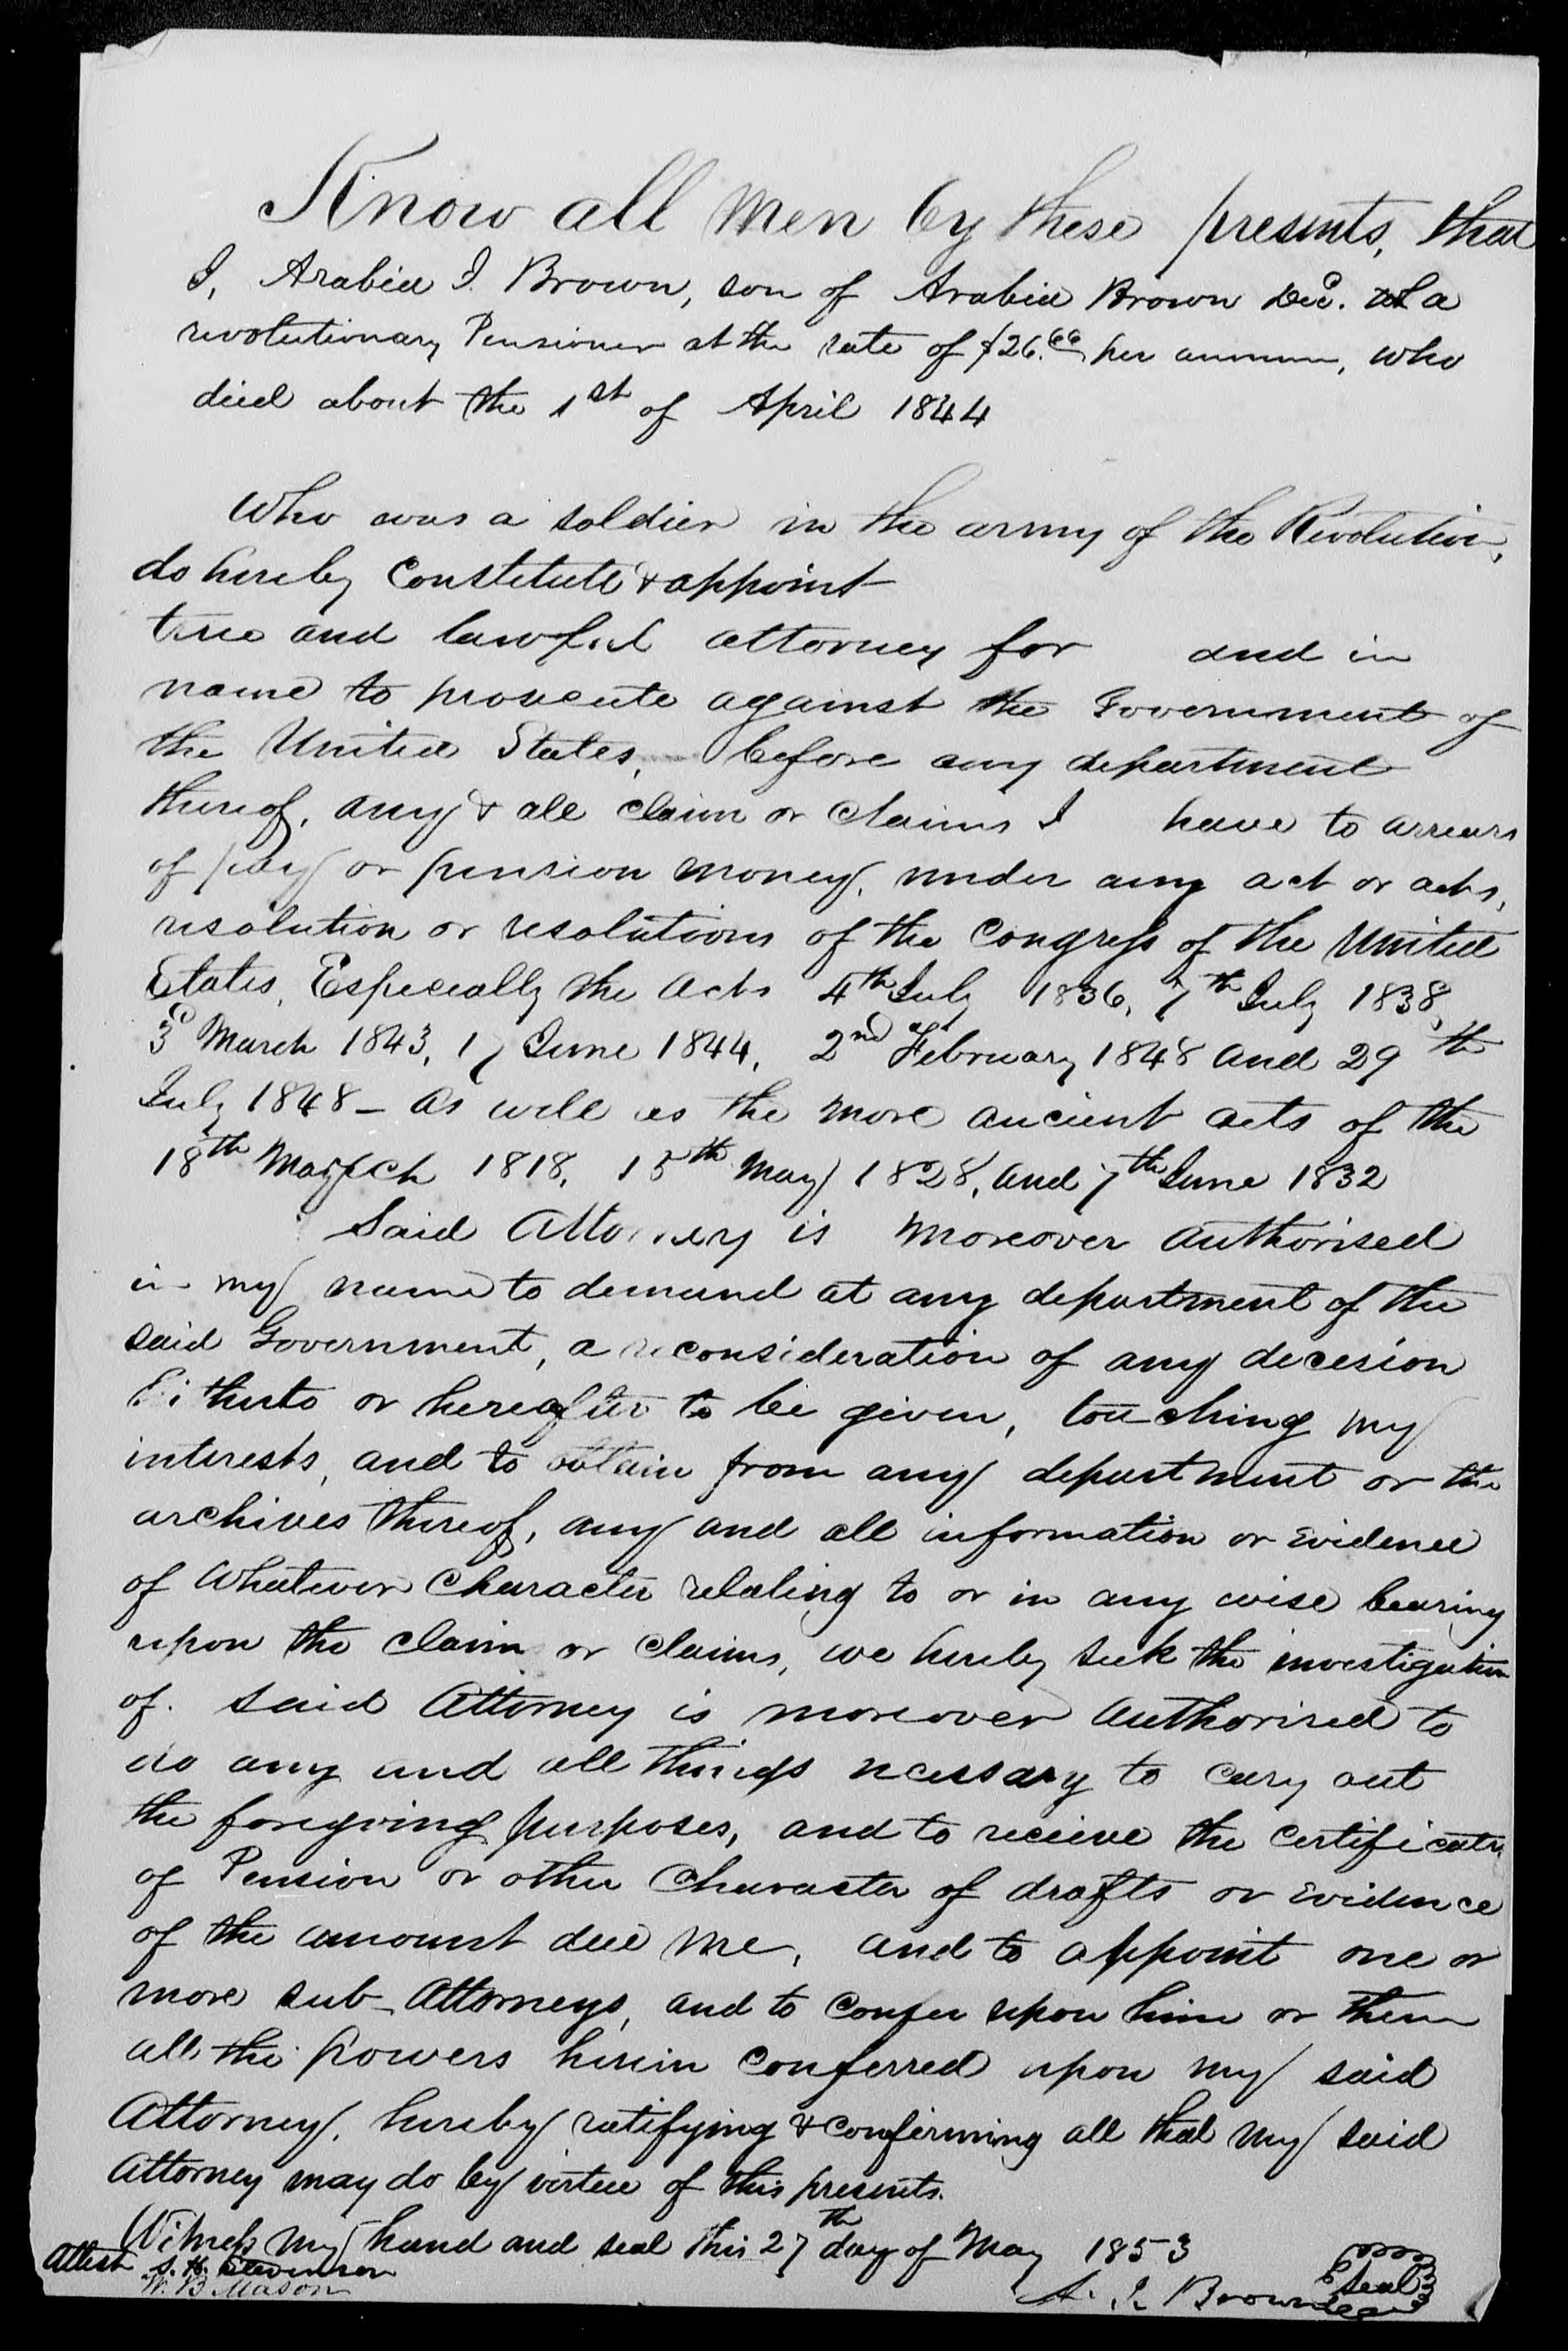Know all men by these presents, that I, Arabia J. Brown, son of Arabia Brown Decd. a revolutionary Pensioner at the rate of $26.66 per annum, who died about the 1st of April 1844
Who was a solider in the army of the Revolution do hereby constitute and appoint true and lawful attorney for deed in name to prosecute against the government of the United States, before any department thereof, any and all claim or claims I have to arrears of pay for pension money, under any act or acts resolution or resolutions of the Congress of the United States. Especially the Acts of 4th July 1836, 7th July 1838, 3rd March 1848 - as well as the more ancient acts of the 18th March 1818, 15th May 1828 and 7th June 1832.
Said Attorney is moreover authorized in my name to demand at any department of the said Government, a reconsideration of any decision hitherto or hereafter to be given, touching my interests, and to obtain from any department or the archives thereof, and and all information or evidence of whatever character relating to or in any wise bearing upon the claim or claims, we hereby seek the investigation of. Said attorney is moreover authorized to do any and all things necessary to carry out the foregoing purposes and to receive the certification of pension or other character of drafts or evidence of the amount due me, and to appoint one more sub-attorneys and to confer upon him or them all the powers herein conferred upon my said attorney hereby certifying and confirming all that my said attorney may do by virtue of this presents.
Written my hand and seal this 27th day of May 1853. A.J Brown [seal]
Attest S.H Stewart
W.B Mason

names: W B Mason, A H Stevenson, Arabia J Brown, Arabia Brown, A J Brown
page: 4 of 65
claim: widow's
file: W. 8384, Arabia Brown, Va.